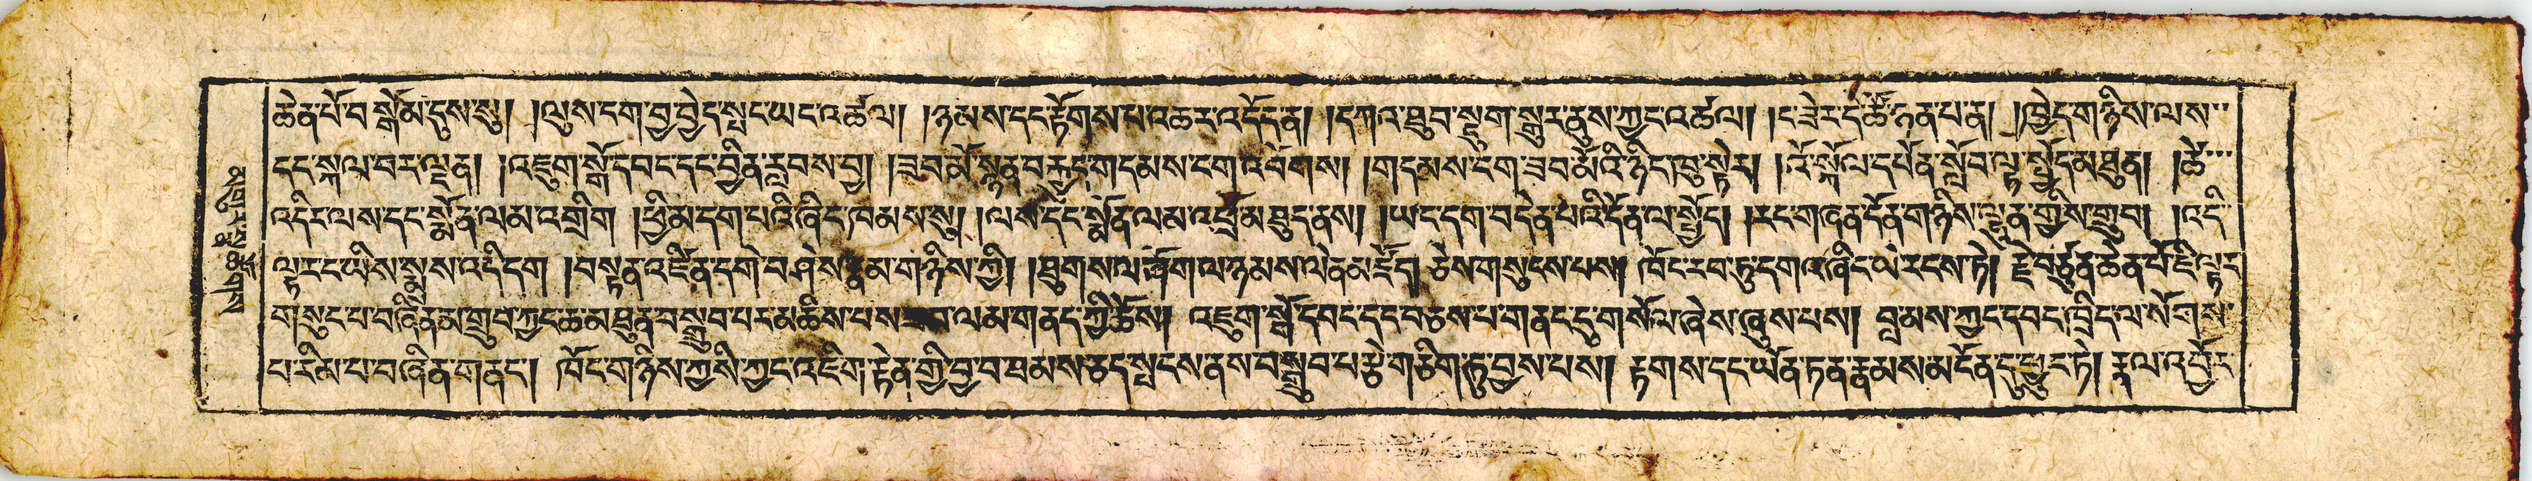ཆེན་པོ་བསྒོམ་དུས་སུ། །ལུས་ངག་བྱ་བྱེད་སྤང་ཡང་འཚལ། །ཉམས་དང་རྟོགས་པ་འཆར་འདོད་ན། །དཀའ་ཐུབ་སྡུག་སྒུར་ནུས་ཀྱང་འཚལ། །ང་ཟེར་ད་ཚོ་ཉན་པ་ན། །ཁྱེད་གཉིས་ལས་
དང་སྐལ་བར་ལྡན། །འཇུག་སྒོ་དབང་དང་བྱིན་རླབས་བྱ། །ཟབ་མོ་སྙན་བརྒྱུད་གདམས་ངག་འབོགས། །གདམས་ངག་ཟབ་མོའི་ཉིང་ཁུ་སྟེར། །འོ་སྐོལ་དཔོན་སློབ་ལྟ་སྤྱོད་མཐུན། །ཚེ་
འདིར་ལས་དང་སྨོན་ལམ་འགྲིག །ཕྱི་མ་དག་པའིཞིང་ཁམས་སུ། །ལས་དང་སྨོན་ལམ་འཕྲོ་མཐུད་ནས། །ཡང་དག་བདེན་པའི་དོན་ལ་སྤྱོད། །རང་གཞན་དོན་གཉིས་ལྷུན་གྱིས་གྲུབ། །འདི་
ལྟར་ང་ཡིས་སྨྲས་འདི་དག །བསྟན་འཛིན་དགེ་བཤེས་རྣམ་གཉིས་ཀྱི། །ཐུགས་ལ་ཞོག་ལ་ཉམས་ལེནམཛོད། །ཅེས་གསུངས་པས། ཁོང་རབ་ཏུ་དགའ་ཞིང་ཡི་རངས་ཏེ། རྗེ་བཙུན་ཆེན་པོ་ཇི་ལྟར་
གསུང་པ་བཞིན་མ་གྲུབ་ཀྱང་ཆ་མཐུན་བསྒྲུབ་པར་མཆིས་པས་ཟབ་ལམ་གནད་ཀྱི་ཆོས། འཇུག་སྒོ་དབང་དང་བཅས་པ་གནང་དུ་གསོལ་ཞེས་ཞུས་པས། བླ་མས་ཀྱང་དབང་ཁྲིད་ལ་སོགས་
པ་རིམ་པ་བཞིན་གནང་། ཁོང་གཉིས་ཀྱིས་ཀྱང་འཇིག་རྟེན་གྱི་བྱ་བ་ཐམས་ཅད་སྤངས་ནས་བསྒྲུབ་པ་རྩེ་གཅིག་ཏུ་བྱས་པས། རྟགས་དང་ཡོན་ཏན་རྣམས་མངོན་དུ་ཕྱུང་ཏེ། རྣལ་འབྱོར་